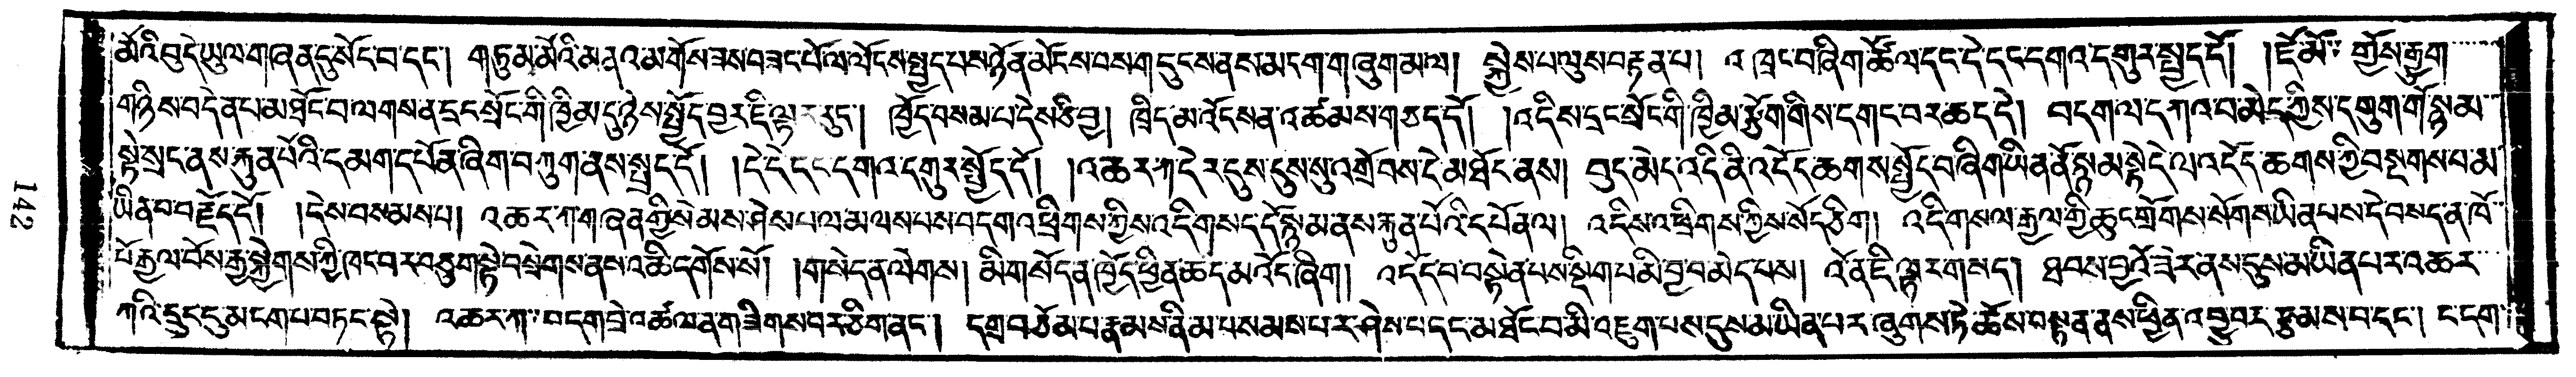མོའི་བུ་དེ་ཡུལ་གཞན་དུ་སོང་བ་དང་། གཏུམ་མོའི་མནའ་མ་གོས་ཟས་བཟང་པོ་ལ་ལོངས་སྤྱད་པས་ཉོན་མོངས་བས་གདུངས་ནས་མངག་གཞུག་མ་ལ། སྐྱེས་པ་ལུས་བརྟན་པ། འཁྲང་བ་ཞིག་ཚོལ་དང་དེ་དང་དགའ་དགུར་སྤྱད་དོ། །ཇོ་མོ༑ གྱོས་རྒྱུག་
གཉིས་བདེན་པ་མཐོང་བ་ལགས་ན་དྲང་སྲོང་གི་ཁྱིམ་དུ་ཉེས་སྤྱོད་བྱར་ཇི་ལྟར་རུང་། ཁྱོད་བསམ་པ་དེས་ཅི་བྱ། ཁྲིད་མ་འོངས་ན་འཚམས་གཅད་དོ། །འདིས་དྲང་སྲོང་གི་ཁྱིམ་རྩོག་གིས་དགང་བར་ཆད་དེ། བདག་ལ་དཀའ་བ་མེད་ཀྱིས་དགུག་གོ་སྙམ་
སྟེ་སྲང་ནས་རྐུན་པོའི་དམག་དཔོན་ཞིག་བཀུག་ནས་སྤྲད་དོ། །དེ་དེ་དང་དགའ་དགུར་སྤྱོད་དོ། །འཆར་ཀ་དེར་དུས་དུས་སུ་འགྲོ་བས་དེ་མཐོང་ནས། བུད་མེད་འདི་ནི་འདོད་ཆགས་སྤྱོད་བ་ཞིག་ཡིན་ནོ་སྙམ་སྟེ་དེ་ལ་འདོད་ཆགས་ཀྱི་བསྔགས་པ་མ་
ཡིན་པ་བརྗོད་དོ། །དེས་བསམས་པ། འཆར་ཀ་གཞན་གྱི་སེམས་ཤེས་པ་ལ་མ་ལས་པས་བདག་འཕྲིགས་ཀྱིས་འདི་གསད་དོ་སྙམ་ནས་རྐུན་པོའི་དཔོན་ལ། འདིས་འཕྲིགས་ཀྱིས་སོད་ཅིག། འདི་གསལ་རྒྱལ་གྱི་ཆུང་གྲོགས་སོགས་ཡིན་པས་དེ་བསད་ན་ཁོ་
པོ་རྒྱལ་བོས་རྒྱ་སྐྱེགས་ཀྱི་ཁང་བར་བཅུག་སྟེ་བསྲེགས་ནས་འཆི་དགོས་སོ། །གསེད་ན་ལེགས། མི་གསོད་ན་ཁྱོད་ཕྱིན་ཆད་མ་འོང་ཞིག། འདོད་བ་བསྟེན་པས་སྡིག་པ་མི་བྱ་བ་མེད་པས། འོ་ན་ཇི་ལྟར་གསད། ཐབས་བྱའོ་ཟེར་ནས་དུས་མ་ཡིན་པར་འཆར་
ཀའི་དྲུང་དུ་མངག་པ་བཏང་སྟེ། འཆར་ཀ༑ བདག་བྲེ་འཚལ་ན་གཟིགས་བར་ཅིག་ནང་། དགྲ་བཅོམ་པ་རྣམས་ནི་མ་པ་སམས་པར་ཤེས་པ་དང་མཐོང་བ་མི་འཇུག་པས་དུས་མ་ཡིན་པར་ཞུགས་ཏེ་ཆོས་བསྟན་ནས་ཕྱིན་འབྱུ་བར་རྩམས་བ་དང་། ང་དག་